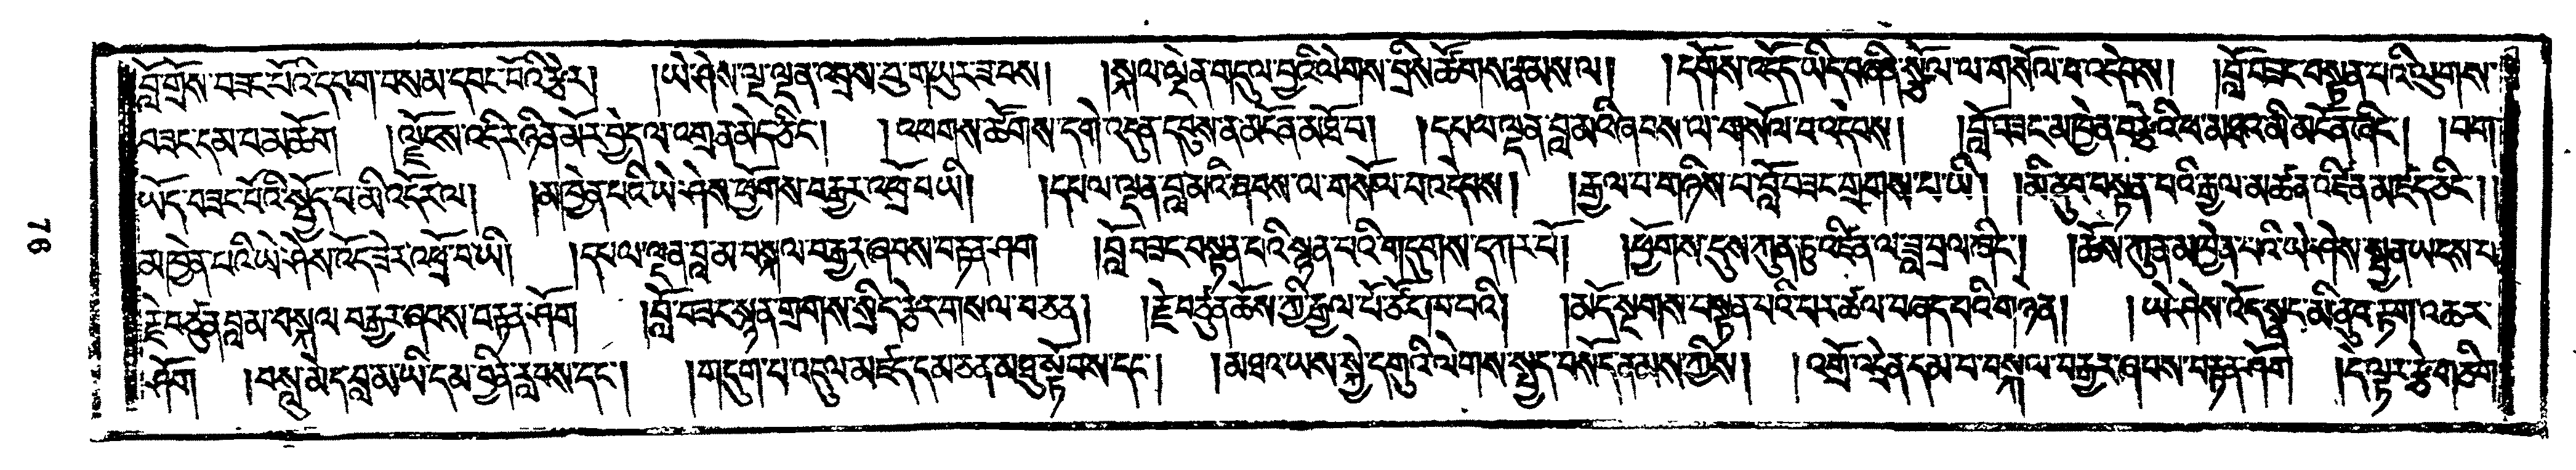བློ་གྲོས་བཟང་པོའི་དཔག་བསམ་དབང་པོའི་རྩེར། །ཡེ་ཤེས་ལྔ་ལྡན་འབྲས་བུ་གཡུར་ཟ་བས། །སྐལ་ལྡེན་གདུལ་བྱའི་ལེགས་བྲིས་ཚོགས་རྣམས་ལ། །དགོས་འདོད་ཡིད་བཞིན་སྩོལ་ལ་གསོལ་བ་འདེབས། །བློ་བཟང་བསྟན་པའི་ལུགས་
བཟང་དམ་པ་མཆོག །ལྗོངས་འདིར་ཉིན་མོར་བྱེད་ལ་འགྲན་མེད་ཅིང་། །འཕགས་ཚོགས་དགེ་འདུན་དབུས་ན་མངོན་མཐོ་བ། །དཔལ་ལྡན་བླ་མའི་ཞབས་ལ་གསོལ་བ་འདེབས། །བློ་བཟང་མཁྱེན་བརྩེའི་ཕ་མཐའ་མི་མངོན་ཞིང་། །བག་
ཡོད་བཟང་པོའི་སྤྱོད་པ་མི་འདོར་ལ། །མཁྱེན་པའི་ཡེ་ཤེས་ཕྱོགས་བརྒྱར་འཕྲོ་བ་ཡི། །དཔལ་ལྡན་བླ་མའི་ཞབས་ལ་གསོལ་བ་འདེབས། །རྒྱལ་བ་གཉིས་པ་བློ་བཟང་གྲགས་པ་ཡི། །མི་ནུབ་བསྟན་པའི་རྒྱལ་མཚན་འཛིན་མཛད་ཅིང་། །
མཁྱེན་པའི་ཡེ་ཤེས་འོད་ཟེར་འཕྲོ་བ་ཡི། །དཔལ་ལྡན་བླ་མ་བསྐལ་བརྒྱར་ཞབས་བརྟན་ཤག །བློ་བཟང་བསྟན་པའི་སྙན་པའི་གདུགས་དཀར་པོ། །ཕྱོགས་དུས་ཀུན་ཏུ་འཛིན་ལ་ཟླ་བྲལ་ཞིང་། །ཆོས་ཀུན་མཁྱེན་པའི་ཡེ་ཤེས་སྤྱན་ཡངས་པ་
རྗེ་བཙུན་བླ་མ་བསྐལ་བརྒྱར་ཞབས་བརྟན་ཤོག །བློ་བཟང་སྙན་གྲགས་སྲིད་རྩེར་གསལ་བ་ཅན། །རྗེ་བཙུན་ཆོས་ཀྱི་རྒྱལ་པོ་ཙོང་ཁ་བའི། །མདོ་སྔགས་བསྟན་པའི་པར་ཚལ་བཞད་པའི་གཉེན། །ཡེ་ཤེས་འོད་སྣང་མི་ནུ་བརྟག་འཆར་
ཤོག །བསླུ་མེད་བླ་མ་ཡི་དམ་བྱིན་རླབས་དང་། །གདུག་པ་འདུལ་མཛད་དམ་ཅན་མཐུ་སྟོབས་དང་། །མཐའ་ཡས་སྐྱེ་དགུའི་ལེགས་སྤྱད་བསོད་ནམས་ཀྱིས། །འགྲོ་འདྲེན་དམ་བ་བསྐལ་བརྒྱར་ཞབས་བརྟན་ཤོག །དེ་ལྟར་རྩེ་གཅིག་